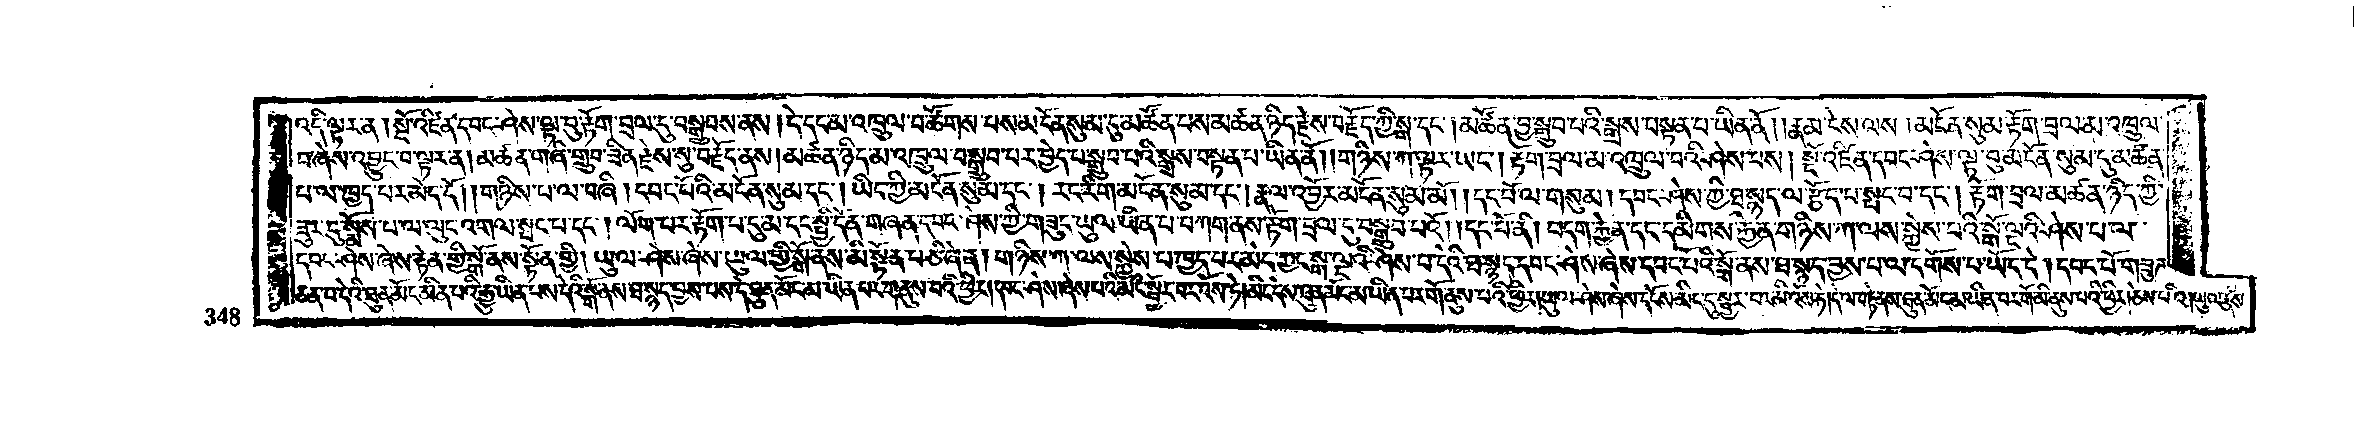འདི་ལྟར་ན། སྔོ་འཛིན་དབང་ཞེས་ལྟ་བུ་རྟོག་བྲལ་དུ་བསྒྲུབས་ནས། དེ་དང་མ་འཁྲུལ་བ་ཚོགས་པས་མངོན་སུམ་དུ་མཚོན་པས་མཚན་ཉིད་རྗེས་བརྗོད་ཀྱི་སྒ་དང་། མཚོན་བྱ་སྒྲུབ་པའི་སྒྲས་པ་ཡིན་ནོ། །རྣམ་ངེས་ལས། མངོན་སུམ་རྟོག་བྲལ་མ་འཁྲུལ་
བ་ཞེས་འབྱུང་བ་ལྟར་ན། མཚན་གཞི་གྲུབ་ཟིན་རྗེས་སུ་བརྗོད་ནས། མཚན་ཉིད་མ་འཁྲུལ་བསྒྲུབ་པར་བྱེད་པ་སྒྲུབ་པའི་སྒྲས་བསྟན་པ་ཡིན་ནོ། །གཉིས་ཀ་ལྟར་ཡང་། རྟག་བྲལ་མ་འཁྲུལ་བའི་ཤེས་པས། སྔོ་འཛིན་དབང་ཤེས་ལྟ་བུ་མངོན་སུམ་དུ་མཚན་
པ་ལ་ཁྱད་པར་མེད་དོ། །གཉིས་པ་ལ་བཞི། དབང་པོའི་མངོན་སུམ་དང་། ཡིད་ཀྱི་མངོན་སུམ་དང་། རང་རིག་མངོན་སུམ་དང་། རྣལ་འབྱོར་མངོན་སུམ་མོ། །དང་པོ་ལ་གསུམ། དབང་ཤེས་ཀྱི་ཐ་སྙད་ལ་རྩོད་པ་སྤང་བ་དང་། རྟོག་བྲལ་མཚན་ཉིད་ཀྱི་
ཟུར་དུ་སྨོས་པ་ལ་ལུང་འགལ་སྤང་པ་དང་། ལོག་པར་རྟོག་པ་དུ་མ་དང་སྤྱི་དོན་གཞན་དབང་ཤེས་ཀྱི་གཟུང་ཡུལ་ཡིན་པ་བཀག་ནས་རྟོག་བྲལ་དུ་བསྒྲུབ་པའོ། །དང་པོ་ནི། བདག་རྐྱེན་དང་དམིགས་རྐྱེན་གཉིས་ཀ་ལས་སྐྱེས་པའི་སྒོ་ལྔའི་ཤེས་པ་ལ་
དབང་ཤེས་ཞེས་རྟེན་གྱི་སྒོ་ནས་སྟོན་གྱི། ཡུལ་ཤེས་ཞེས་ཡུལ་གྱི་སྒོ་ནས་མི་སྟོན་པ་ཅི་ཞེ་ན། གཉིས་ལ་ལས་སྐྱེས་པ་ཁྱད་པར་མེད་ཀྱང་སྒ་ལྔའི་ཤེས་པ་དེའི་ཐ་སྙད་དབང་ཤེས་ཞེས་དབང་པོའི་སྒོ་ནས་ཐ་སྙད་བྱས་པ་ལ་དགོས་པ་ཡོད་དེ། དབང་པོ་གཟུགས་
ཅན་བ་དེའི་ཐུན་མོང་མིན་པའི་རྒྱུ་ཡིན་པས་དེའི་སྒོ་ནས་ཐ་སྙད་བྱས་པས་དེ་ཐུན་མོང་མ་ཡིན་པར་གནུས་པའི་ཕྱིར། དབང་ཤེས་ཞེས་པའི་མིང་སྦྱོར་བར་འོས་ཏེ། མིང་དེས་ཐུན་མོང་མ་ཡིན་པར་གོ་ནུས་པའི་ཕྱིར། ཡུལ་ཤེས་ཞེས་དངོས་མིང་དུ་སྦྱར་བར་མི་འོས་ཏེ། དེ་ལ་བརྟེན་ནས་ཐུན་མོང་མ་ཡིན་པར་གོ་མི་ནུས་པའི་ཕྱིར། ཅེས་པའི། ཡུལ་རྣམས་